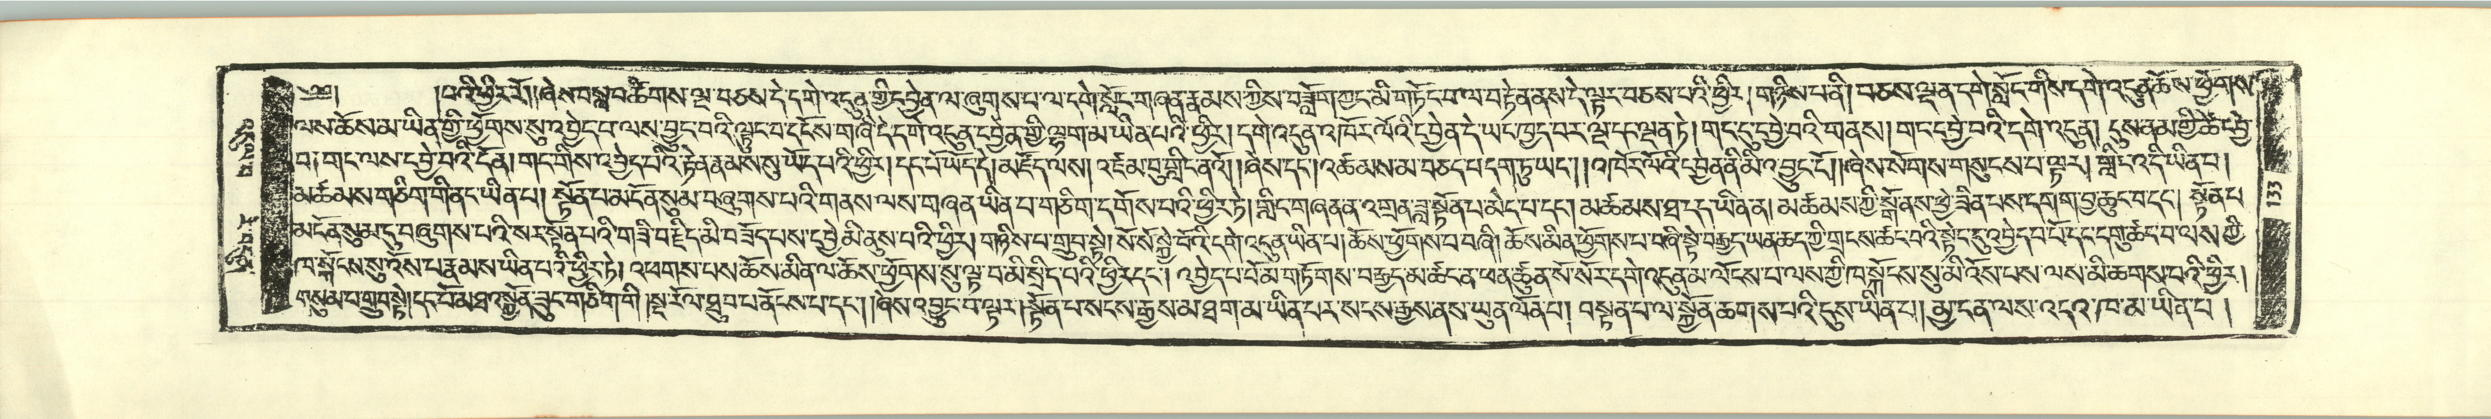༄༅། །པའི་ཕྱིར་རོ། །ཞེས་བསླབ་ཚིགས་ལྔ་བཅས་དེ་དགེ་འདུན་གྱི་དབྱེན་ལ་ཞུགས་པ་ལ་དགེ་སློང་གཞན་རྣམས་ཀྱིས་བཟློག་ཀྱང་མི་གཏོང་བ་ལ་བརྟེན་ནས་དེ་ལྟར་བཅས་པའི་ཕྱིར། གཉིས་པ་ནི། བཅས་ལྡན་དགེ་སློང་གིས་དགེ་འདུན་ཆོས་ཕྱོགས་
ལས་ཆོས་མ་ཡིན་གྱི་ཕྱོགས་སུ་འབྱེད་པ་ལས་བྱུང་བའི་ལྟུང་བ་དངོས་གཞི་དེ་དགེ་འདུན་དབྱེན་གྱི་ལྷག་མ་ཡིན་པའི་ཕྱིར། དགེ་འདུན་འཁོར་ལོའི་དབྱེན་དེ་ཡང་ཁྱད་པར་ལྔ་དང་ལྡན་ཏེ། གང་དུ་དབྱེ་བའི་གནས། གང་དབྱེ་བའི་དགེ་འདུན། དུས་ནམ་གྱི་ཚེ་དབྱེ་
བ༑ གང་ལས་དབྱེ་བའི་དོན། གང་གིས་འབྱེད་པའི་རྟེན་རྣམས་སུ་ཡོད་པའི་ཕྱིར། དང་པོ་ཡོད་དེ། མཛོད་ལས། འཛམ་བུ་གླིང་ནའོ། །ཞེས་དང་། འཚམས་མ་བཅད་པ་དག་ཏུ་ཡང་། །འཁོར་ལོའི་དབྱེན་ནི་མི་འབྱུང་ངོ། །ཞེས་སོགས་གསུངས་པ་ལྟར། གླིང་འདི་ཡིན་པ།
མཚམས་གཅིག་གི་ནང་ཡིན་པ། སྟོན་པ་མངོན་སུམ་བཞུགས་པའི་གནས་ལས་གཞན་ཡིན་པ་གཅིག་དགོས་པའི་ཕྱིར་ཏེ། གླིང་གཞན་ན་འགྲན་ཟླ་སྟོན་པ་མེད་པ་དང་། མཚམས་ཐ་དད་ཡིན་ན། མཚམས་ཀྱི་སྒོ་ནས་ཕྱེ་ཟིན་པས་དགག་བྱ་ཆུང་བ་དང་། སྟོན་པ་
མངོན་སུམ་དུ་བཞུགས་པའི་སར་སྟོན་པའི་གཟི་བརྗིད་མི་བཟོད་པས་དབྱེ་མི་ནུས་པའི་ཕྱིར། གཉིས་པ་གྲུབ་སྟེ། སོ་སོ་སྐྱེ་བོའི་དགེ་འདུན་ཡིན་པ། ཆོས་ཕྱོགས་པ་བཞི། ཆོས་མིན་ཕྱོགས་པ་བཞི་སྟེ་བརྒྱད་ཡན་ཆད་ཀྱི་གྲངས་ཚང་བའི་སྟེང་དུ་འབྱེད་པ་པོ་དང་དགུ་ཚང་བ་ལས་ཀྱི་
ཁ་སྐོངས་སུ་འོས་པ་རྣམས་ཡིན་པའི་ཕྱིར་ཏེ། འཕགས་པས་ཆོས་མིན་ལ་ཆོས་ཕྱོགས་སུ་ལྟ་བ་མི་སྲིད་པའི་ཕྱིར་དང་། འབྱེད་པ་པོ་མ་གཏོགས་བརྒྱད་མ་ཚང་ན་ཕན་ཚུན་སོ་སོར་དགེ་འདུན་མ་ལོངས་པ་ལས་ཀྱི་ཁ་སྐོངས་སུ་མི་འོས་པས་ལས་མི་ཆགས་པའི་ཕྱིར།
གསུམ་པ་གྲུབ་སྟེ། དང་པོ་མཐའ་སྐྱོན་ཟུང་གཅིག་གི །སྔ་རོལ་ཐུབ་པ་ནོངས་པ་དང་། །ཞེས་འབྱུང་བ་ལྟར། སྟོན་པ་སངས་རྒྱས་མ་ཐག་མ་ཡིན་པར་སངས་རྒྱས་ནས་ཡུན་ལོན་པ། བསྟན་པ་ལ་སྐྱོན་ཆགས་པའི་དུས་ཡིན་པ། མྱ་ངན་ལས་འདའ་ཁ་མ་ཡིན་པ།